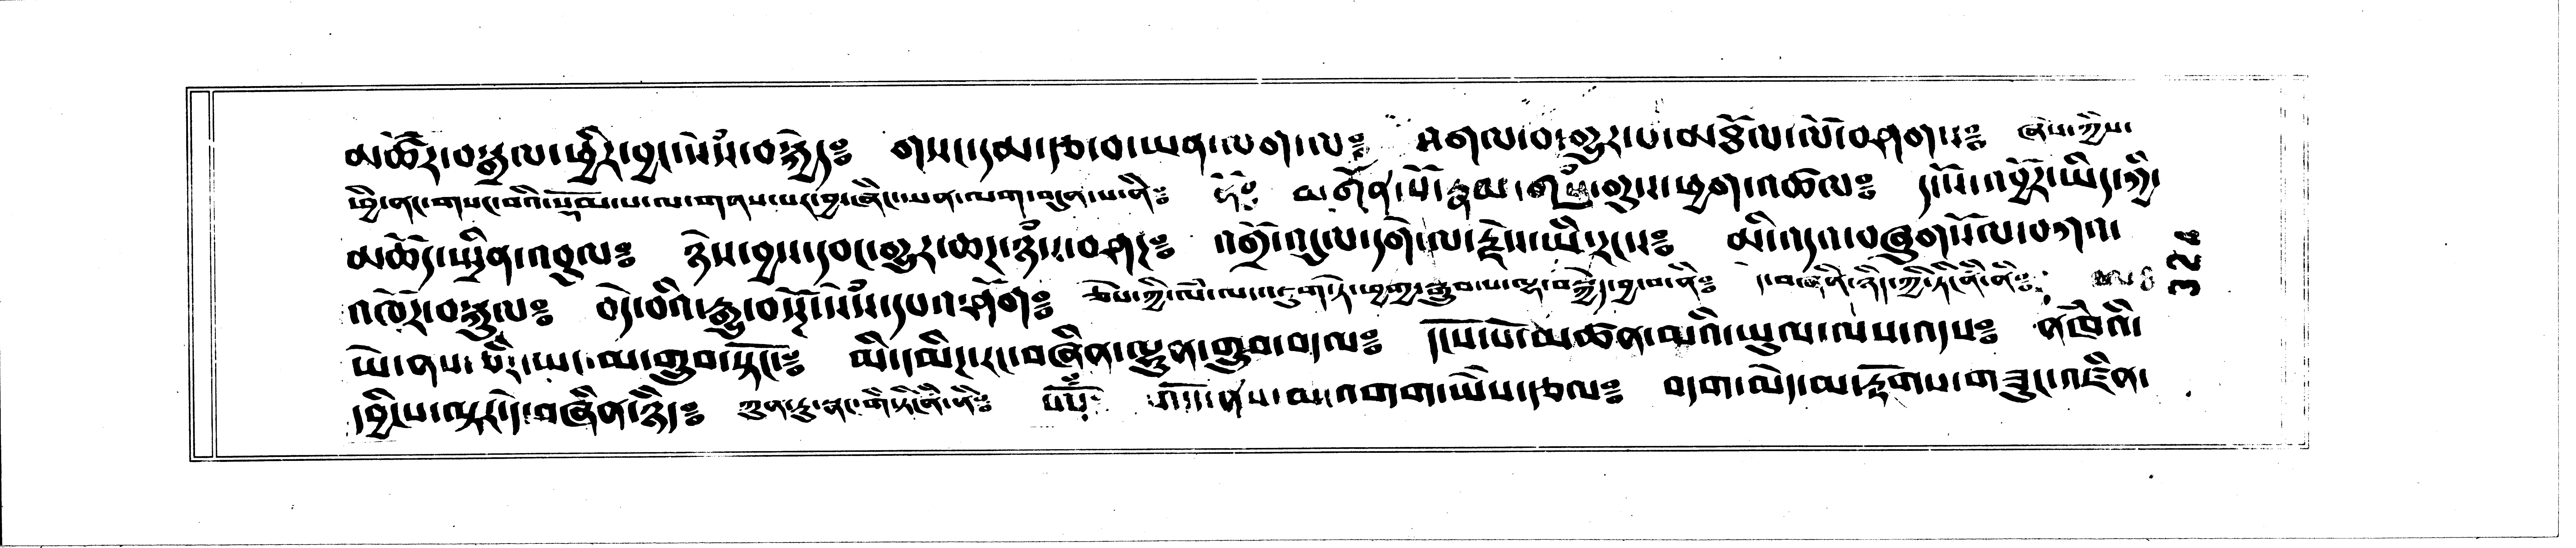མཚོར་བསྒྲལ་ཕྱིར་བྱང་སེམས་བསྐྱེད༔ གསང་དམ་རྩ་བ་ཡན་ལག་ལ༔ བགལ་བར་གྱུར་པ་མཐོལ་ལོ་བཤགས༔ ཞེས་ཀྱིས་
ཕྱི་ནང་གསང་བའི་སྡོམ་པ་ལ་གནས་པར་བྱ་ཞིང་ཡན་ལག་བདུན་པ་ནི༔ ཧོ༔ མགོན་པོ་རྣམ་གསུམ་གུས་ཕྱག་འཚལ༔ དངོས་འབྱོར་ཡིད་ཀྱི་
མཆོད་སྤྲིན་འབུལ༔ ཉེས་བྱས་དབང་གྱུར་ཆགས་ཉམས་བཤགས༔ འགྲོ་འདུལ་དགེ་ལ་རྗེས་ཡི་རངས༔ མི་འདའ་བཞུགས་གསོལ་བཀའ་
འཁོར་བསྐུལ༔ བདེ་བའི་རྒྱུ་བསྔོ་སེམས་དཔའ་ཤོག༔ ཅེས་ཀྱི་ལམ་ལ་འཇུག་ཏེ་ཕྱགྱ་སྒྲུབ་པ་ལྷ་བསྐྱེད་བྱ་བ་ནི༔ དེ་བཞིན་ཉིད་ཀྱི་ཏིང་འཛིན་ནི༔ ཨ༔ 
ཡེ་ནས་ཅིར་ཡང་མ་གྲུབ་སྟོང་༔ མི་དམིགས་རང་བཞིན་ལྷུན་གྲུབ་བདལ༔ དངོས་པོ་མཚན་མའི་ཡུལ་ལས་འདས༔ ནམ་མཁའི་
དབྱིངས་ལྟར་དེ་བཞིན་ཉིད༔ ཀུན་ཏུ་སྣང་གི་ཏིང་འཛིན་ནི༔ ཨོྃ༔ གདོད་ནས་མ་འགག་ཡེ་ཤེས་རྩལ༔ བདག་མེད་མ་རྟོགས་གཟུང་འཛིན་